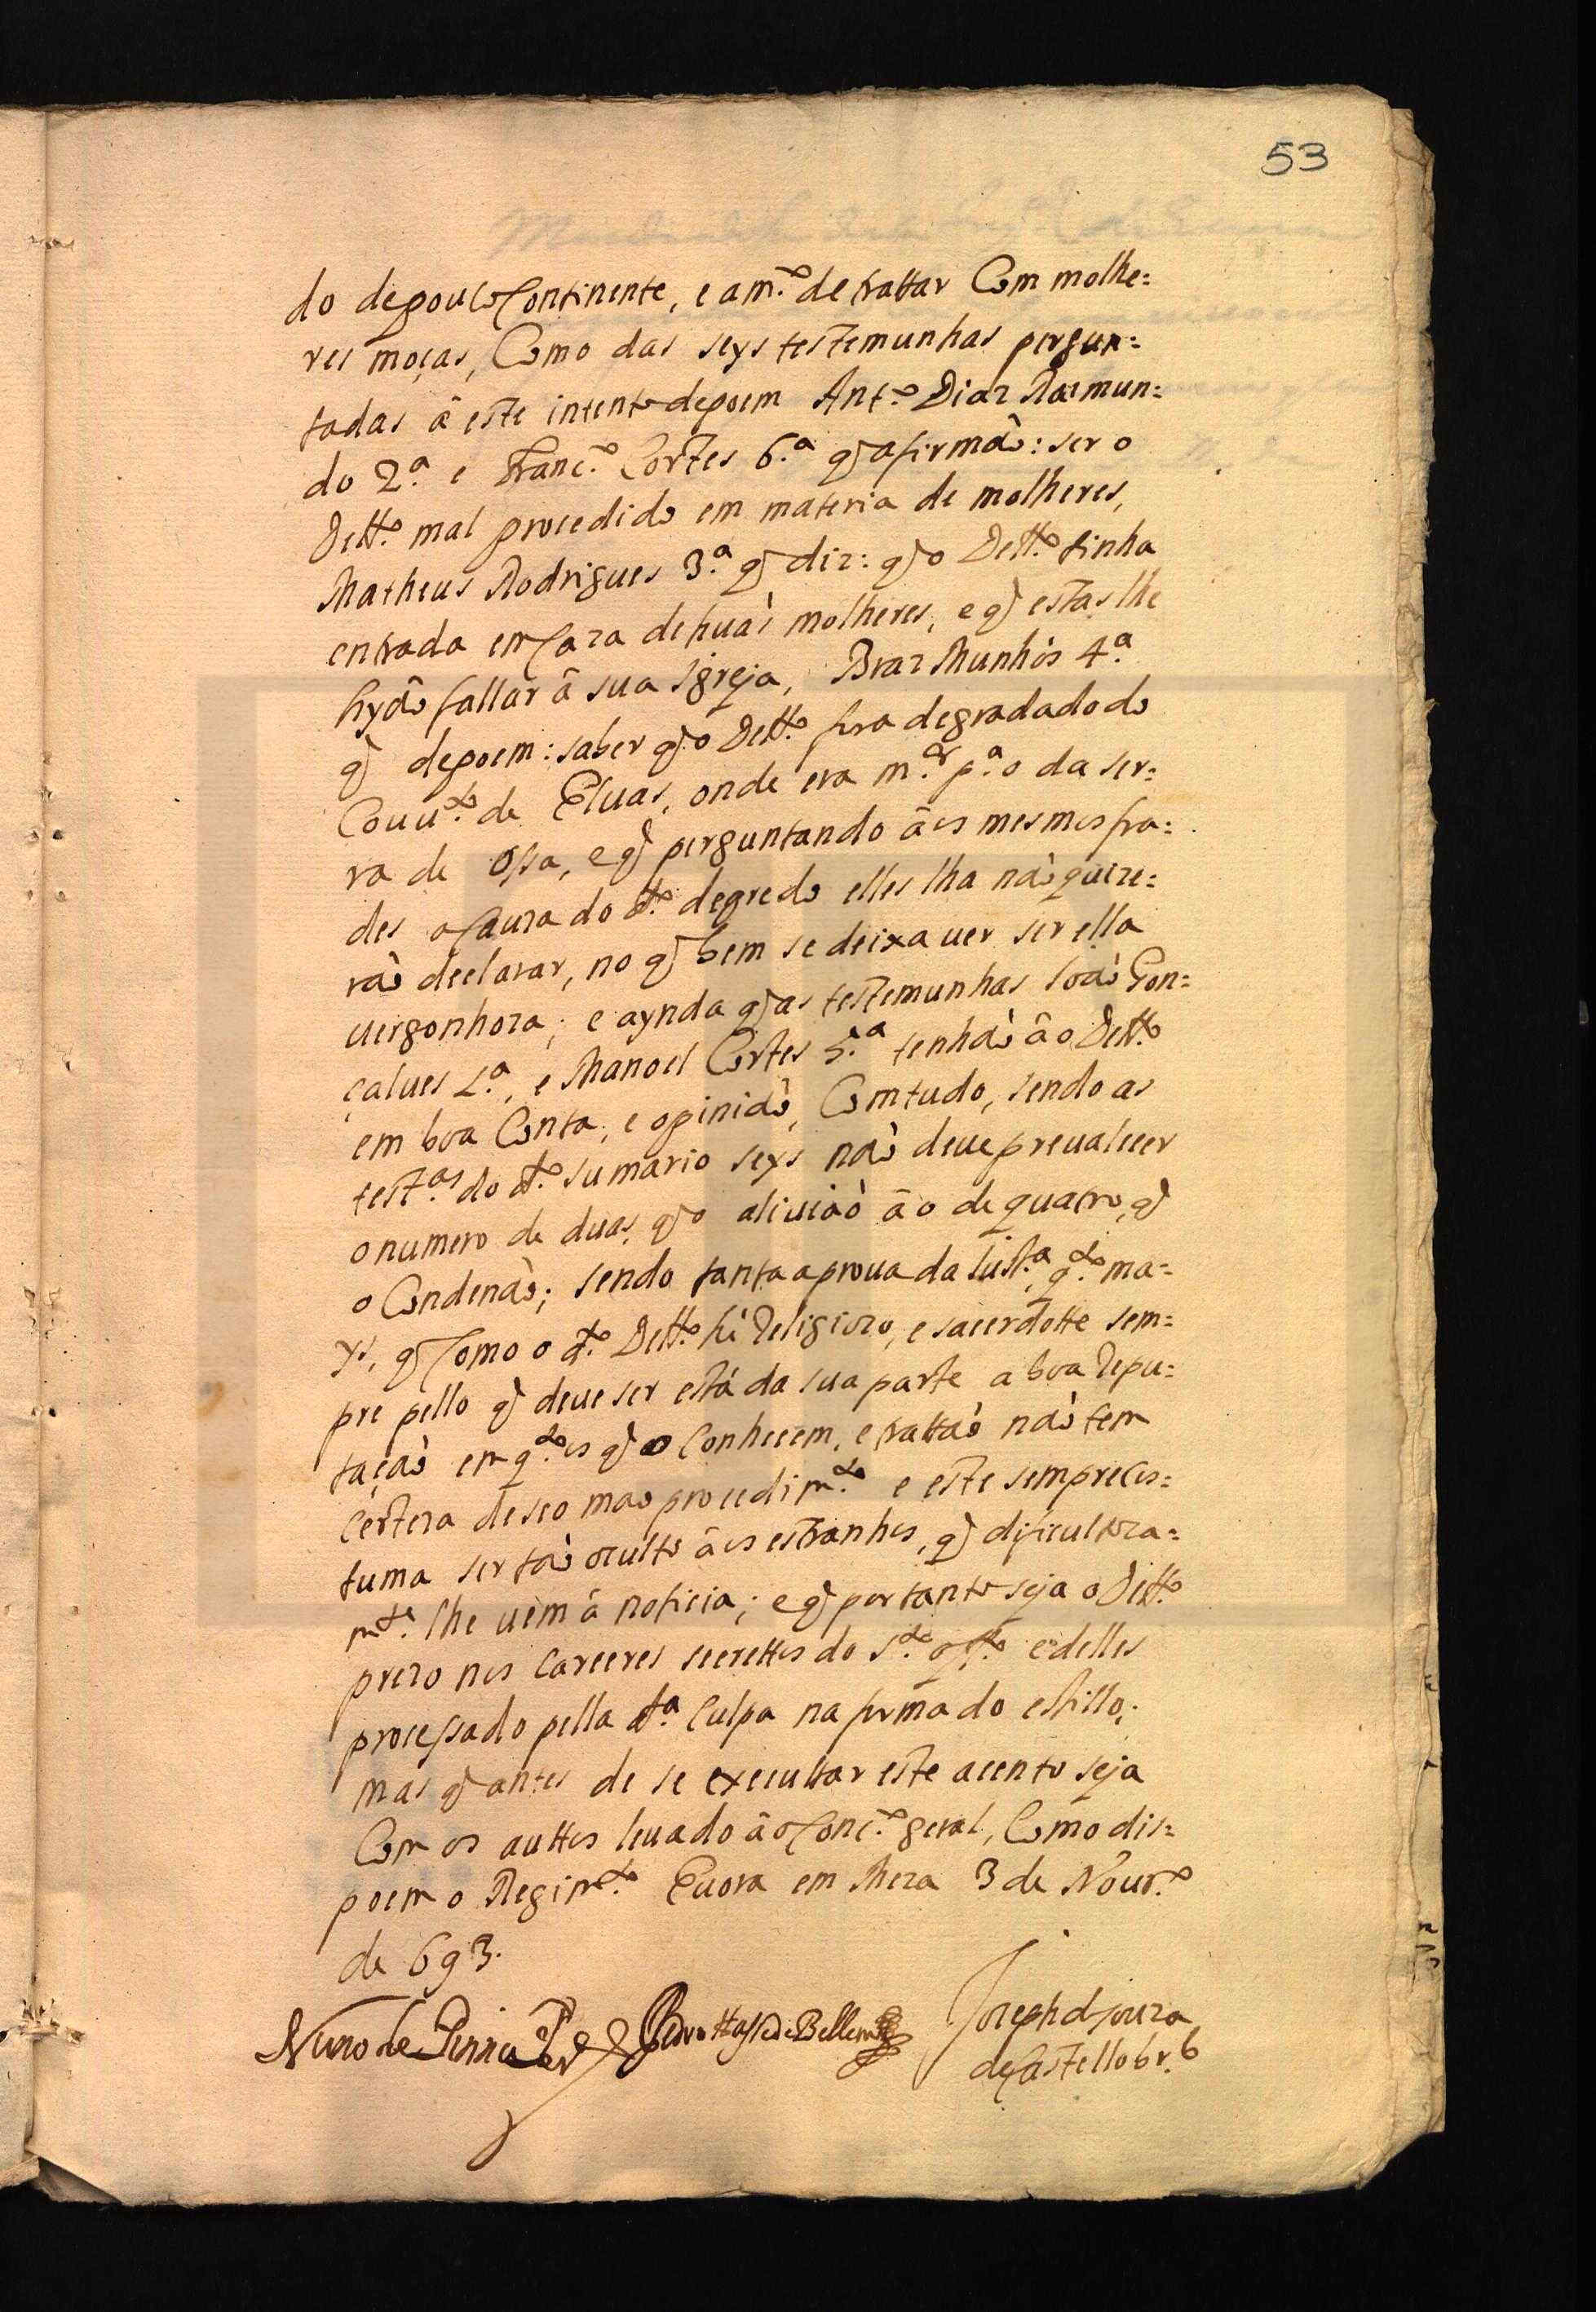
do de pouco Continente, e a m.o de trattar Com molhe
res moças, Como das seys testemunhas pergun
tadas à este intento depoem Ant.o Diaz Raimun
do 2.a e Franc.o Cortes 6.a q̄ afirmão: ser o
Delt.o mal procedido em materia de molheres,
Matheus Rodrigues 3.a q̄ diz: q̄ o Delt.o tinha
entrada em Caza de huas̄ molheres, e q̄ estas lhe
hyão fallar á sua Igreja, Braz Munhós 4.a
q̄ depoem: saber q̄ o Delt.o fora degradado do
Conu.to de Eluas, onde era m.or p.a o da ser
ra de ossa, e q̄ perguntando aos mesmos fra
des a Cauza do d̄.o degredo elles lha naõ quize
raõ declarar, no q̄ bem se deixa uer ser ella
uergonhoza; e aynda q̄ as testemunhas Ioaõ Gon
çalues 1.a, e Manoel Cortes 5.a tenhaõ áo Ditto
em boa Conta, e opiniaõ, Comtudo, sendo as
test.as do d̄.o sumario seys naõ deue preualecer
o numero de duas, q̄ o aliuiaõ ào de quatro, q̄
o Condenaõ; sendo tanta a proua da Iust.a, q.to ma
ys, q̄ Como o d̄.o Delt.o hé Religiozo, e sacerdotte sem
pre pello q̄ deue ser está da sua parte a boa Repu
taçaõ emq.to os q̄ o conhecem, e trattaõ naõ tem
certeza de seo mao procedim.to e este sempre cos
tuma ser taõ oculto áos estranhos, q̄ dificultoza
m.te lhe uem á noticia; e q̄ portanto seja o Delt.o
prezo nos carceres secrettos do s.to off.o e delles
processado pella d̄.a culpa na forma do estillo,
mas q̄ antes de se executtar este acento seja
Com os auttos leuado ào Conc.o geral, Como dis
poem o Regim.to Euora em Meza 3 de Nour.o
de 693.
Nuno de Pinna
Pedro Hasse de Bellem
Jozeph d souza
de Castello br.o
